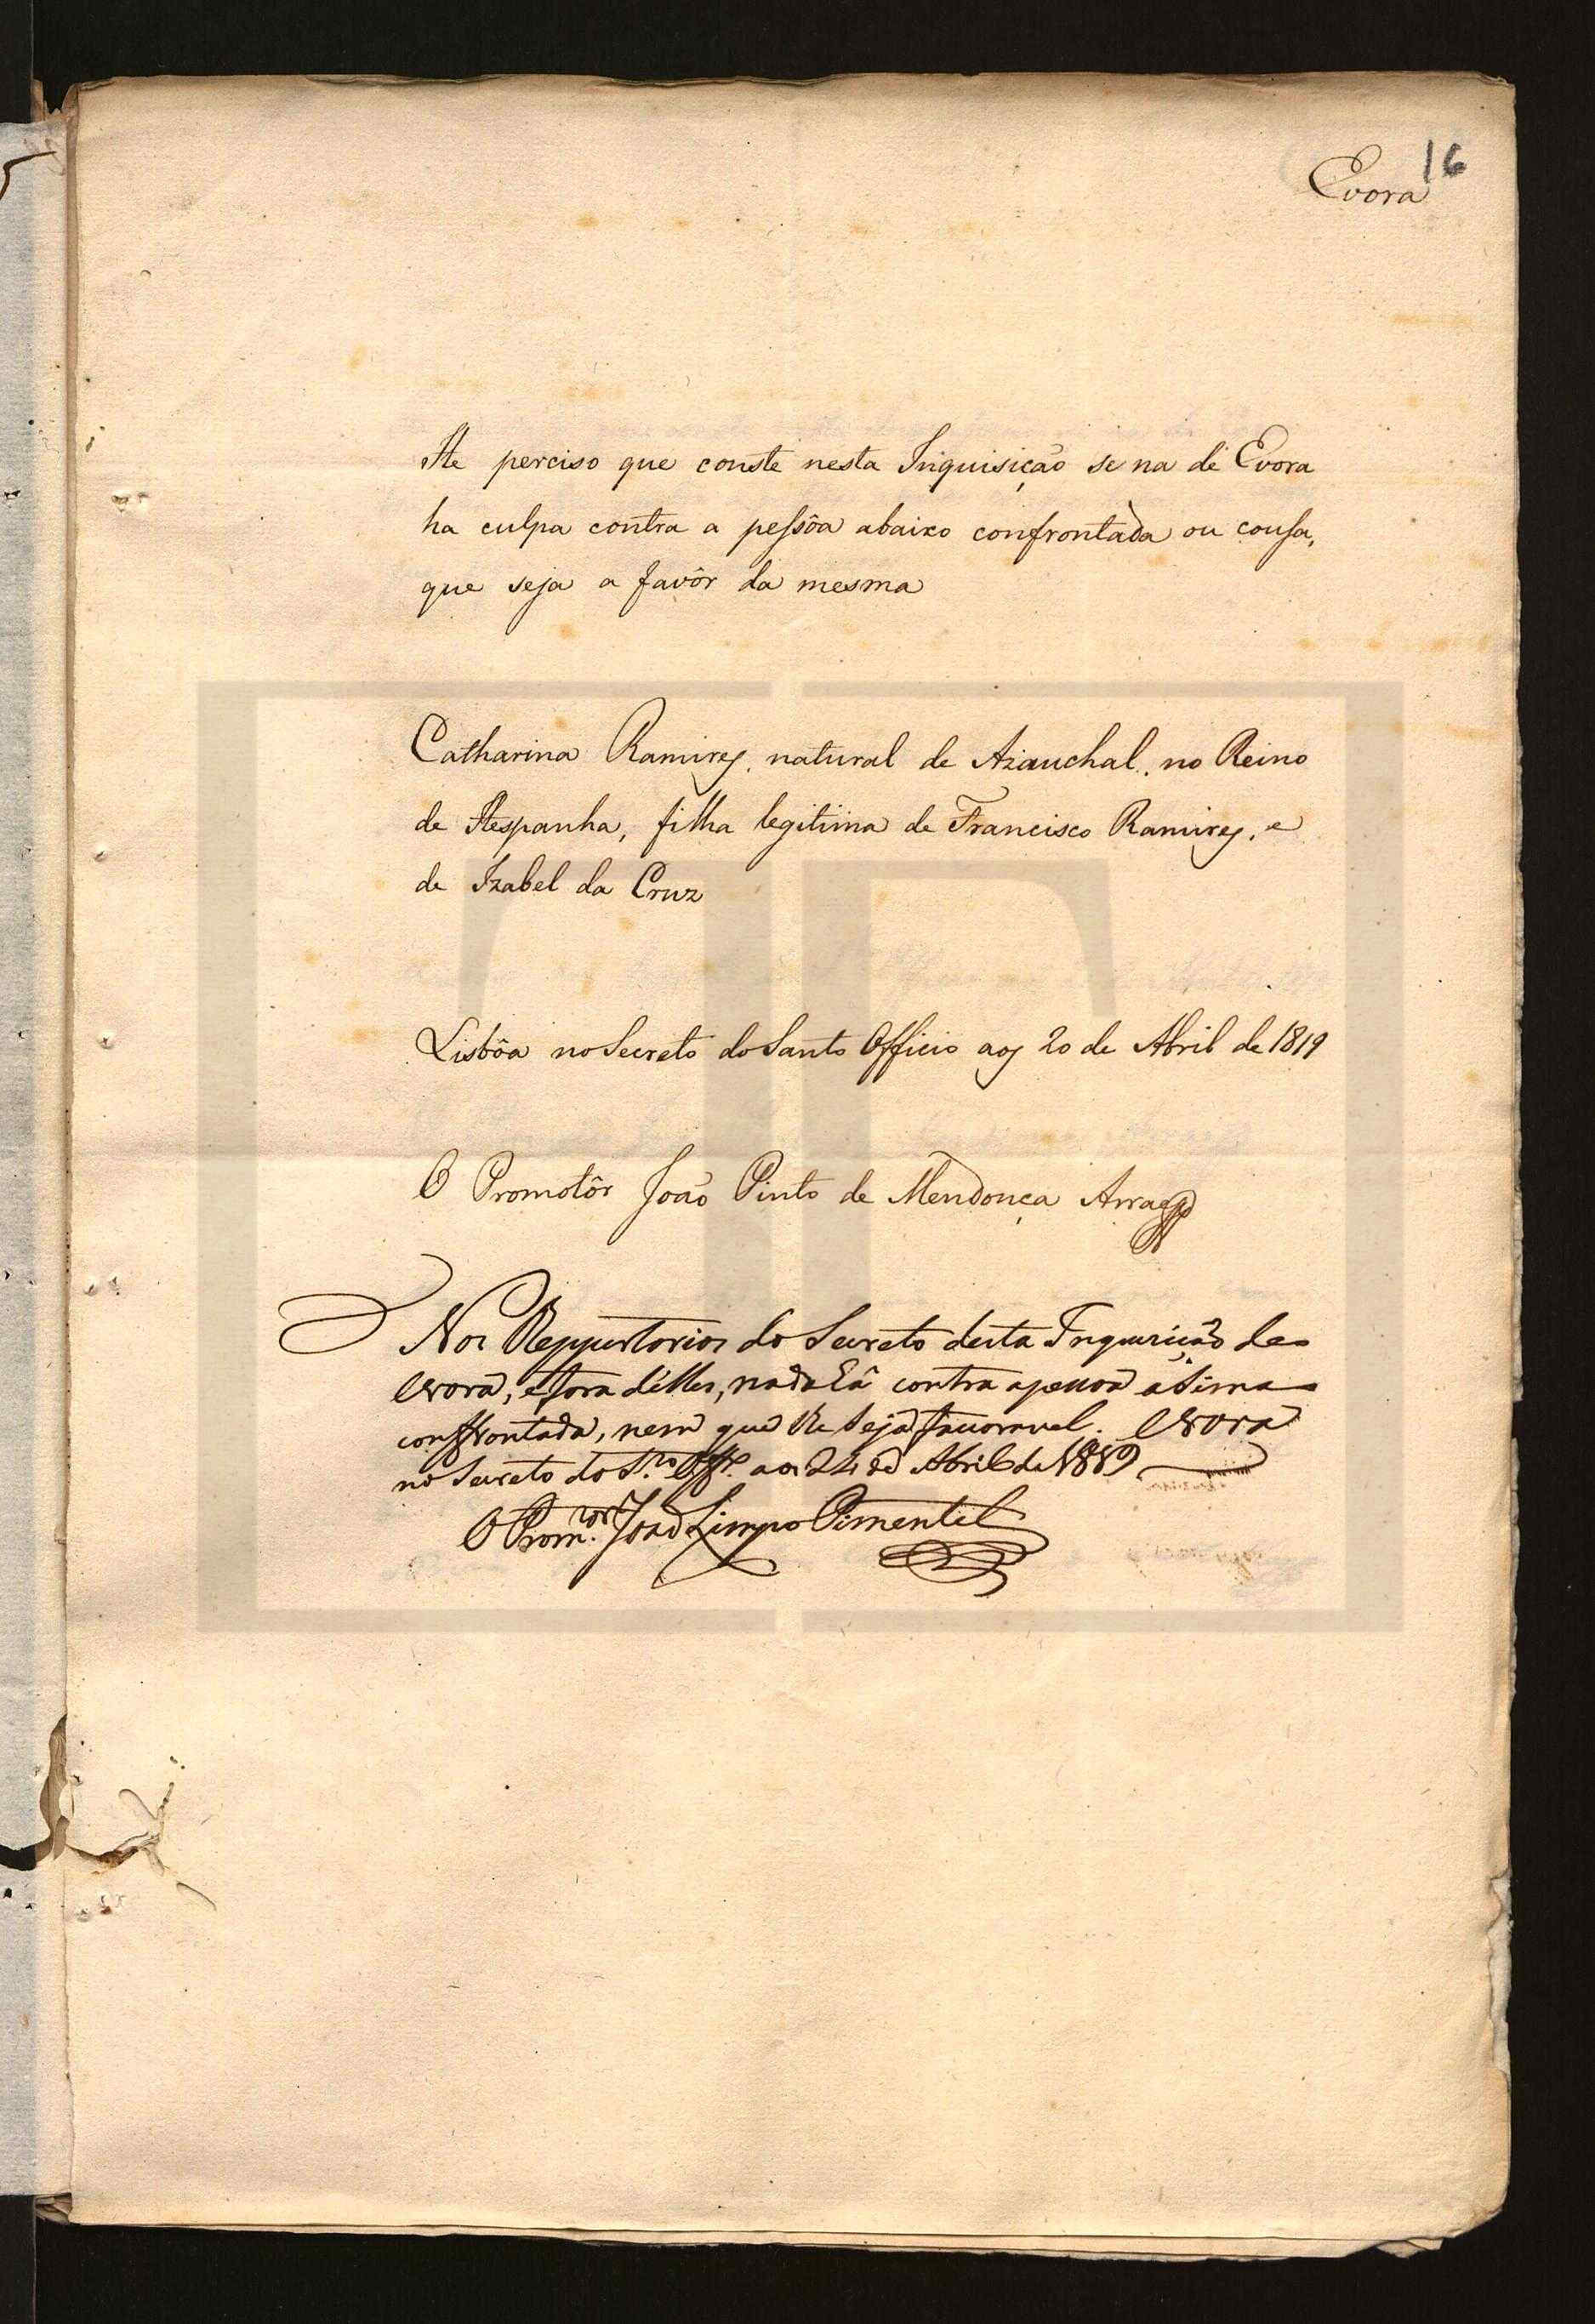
Evora
He perciso que conste nesta Inquisiçaõ se na de Evora
ha culpa contra a pessoa abaixo confrontada ou cousa,
que seja a favôr da mesma
Catharina Ramires, natural de Azauchal, no Reino
de Hespanha, filha legitima de Francisco Ramires, e
de Izabel da Cruz
Lisboa no Secreto do Santo Officio aos 20 de Abril de 1819
O Promotor Joaõ Pinto de Mendonça Arraes
Nos Reppertorios do Secreto desta Inquisiçaõ de
Evora, e fora delles, nada há contra a pessoa aSima
conffrontada, nem que lhe Seja fauoravel. evora
no Secreto do S.to Off.o aos 24 de Abril de 1819
O Prom.tor Joaõ Limpo Pimentel
